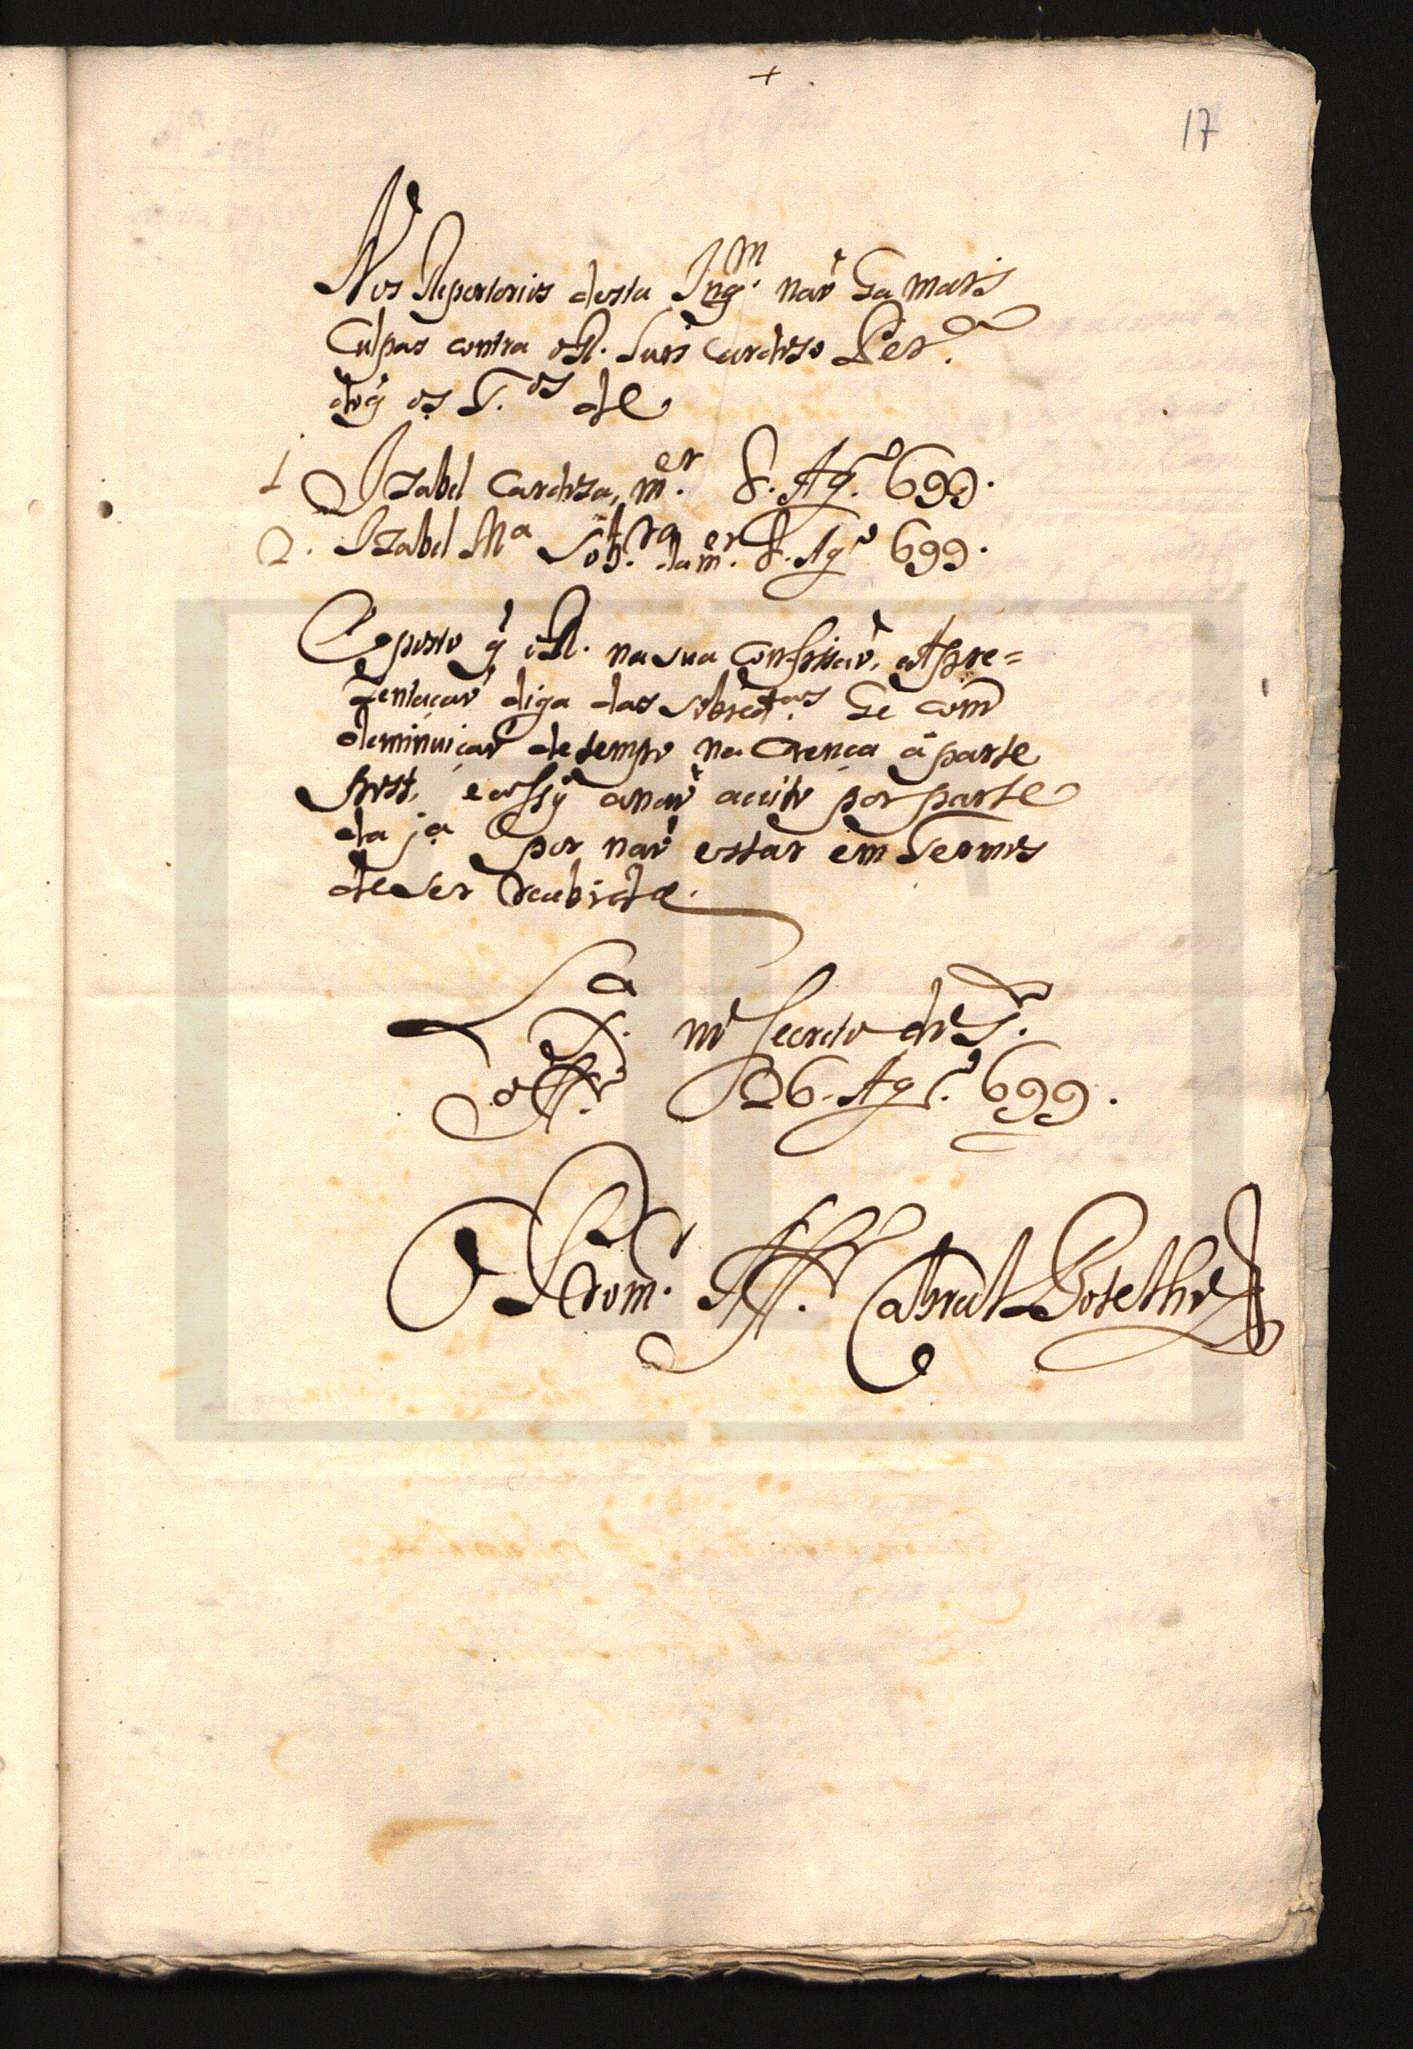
Nos Reportorios desta Inq.m naõ ha mais
Culpas contra o R. Luis cardoso Per.a
do q̄ os T.os de
I. Izabel Cardoza, m.er 8. Ag.o 699.
2. Izabel Ma sob̄.ra da mer. 8. Ago 699.
E posto q̄ o R. na sua Confissaõ, e Apre
zentaçaõ diga das sobred̄.as he com
deminuiçaõ de tempo na Crença á parte
post, e assy a naõ aceito por parte
da j.a por naõ estar em Termos
de ser recebida.
LX.a no secreto do s.to
off.o 26. Ag.o 699.
